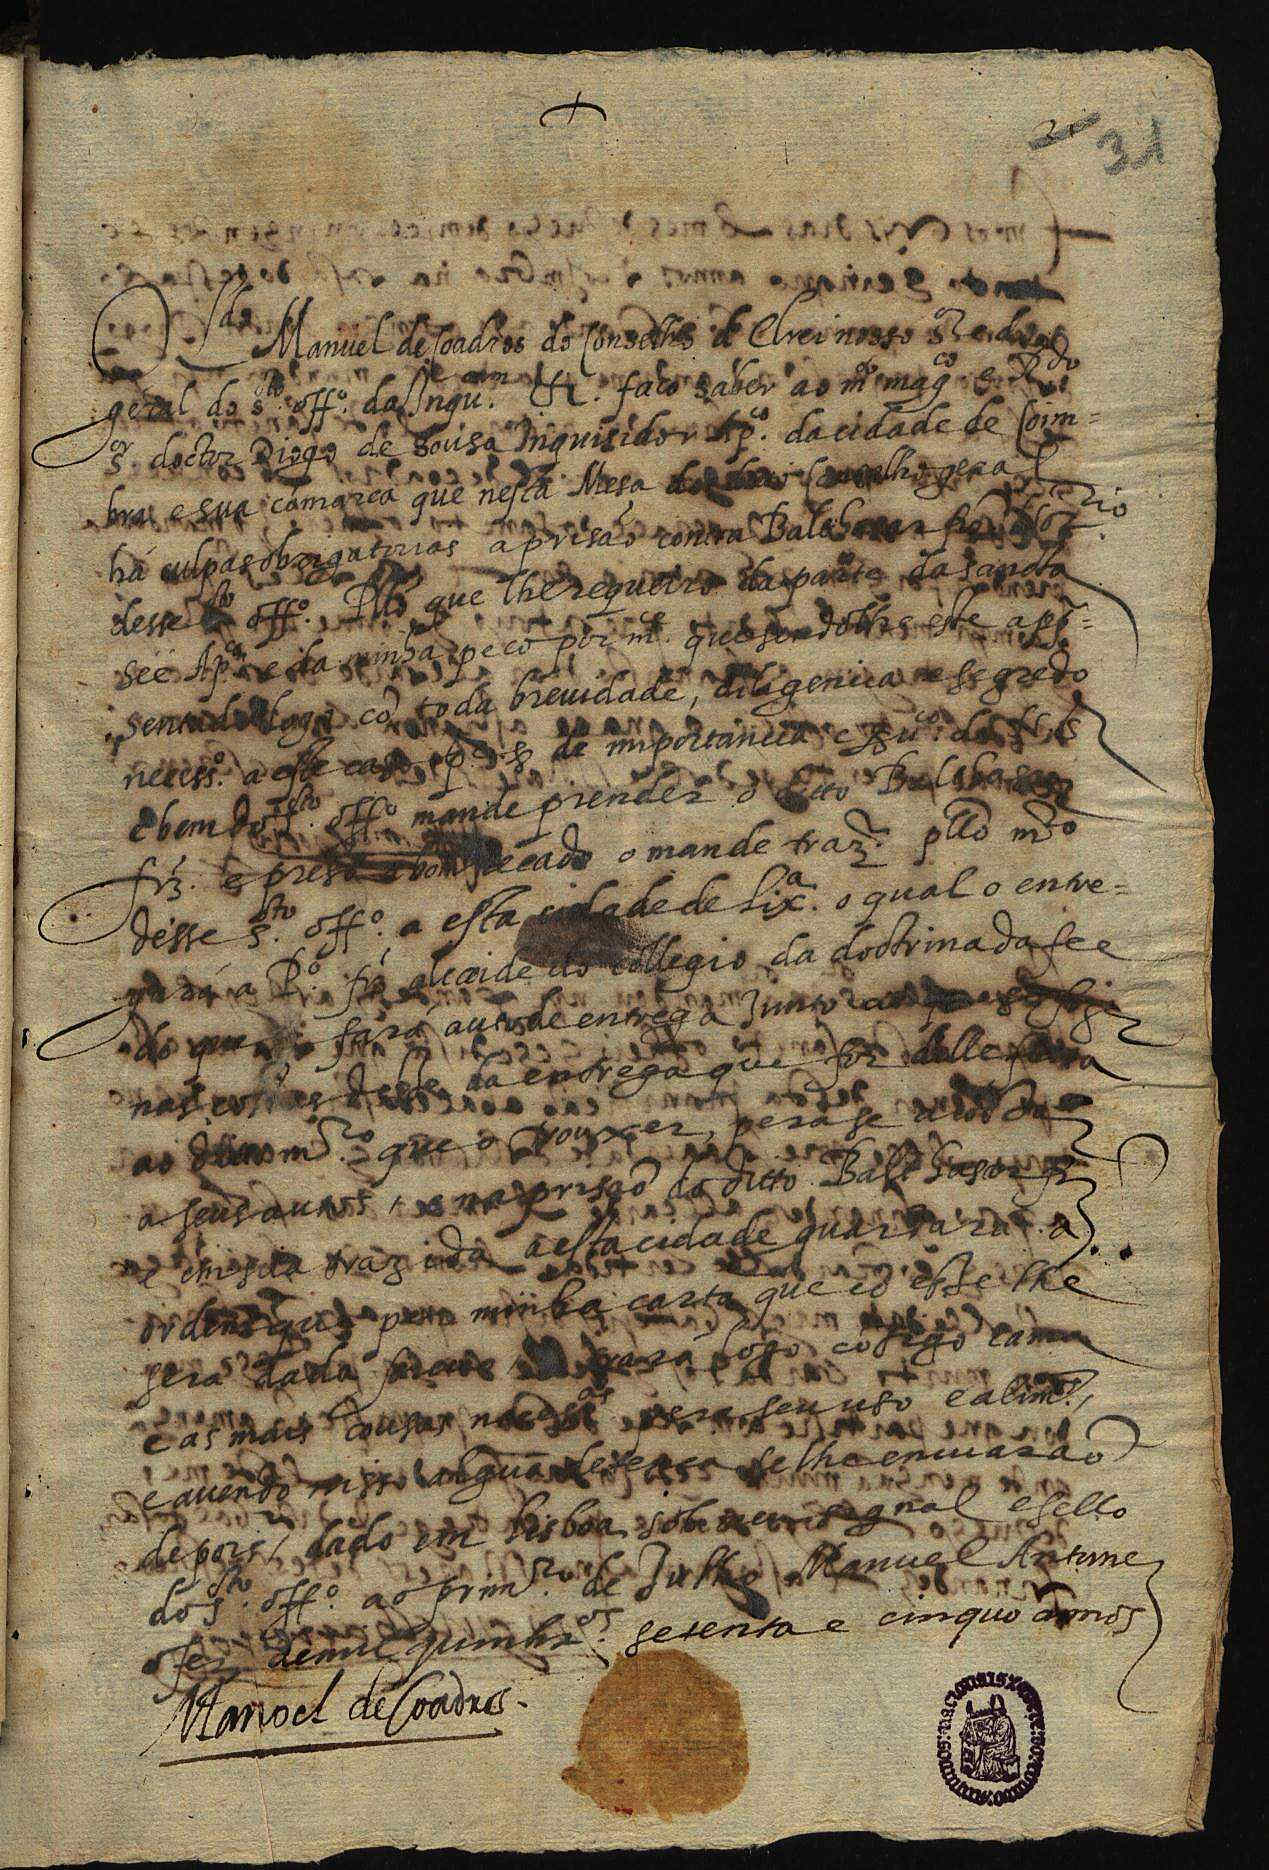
O Ldo Manuel de Coadros do Conselho del rei nosso sor e do
geral do sto. offo. da Inqu.çam &. faço saber ao mto mag.co e R.do
sor. doctor Diogo de Sousa Inquisidor Ap.co da cidade de Coim
bra e sua comarca que nesta Mesa do ditto Conselho geraL
há culpas obrigatorias a prisaõ contra Balthasar frz̄ Notrio.
desse sto offo. Pllo que lhe requeiro da parte da sancta
see Apca e da minha peço por mce. que sendolhe este app̄
sentado logo cō toda breuidade, diligencia e segredo
necess.o a este caso p̄o ꞩ de importancia e ꞩuço. de N. Sor
e bem do sto. offo mande prender o ditto Balthasar
frz̄ e preso a bom Recado o mande traz̄ pl̄lo mro
desse s.to offo. a esta cidade de Lixa. o qual o entre
gará a Po. frz̄ alcaide do collegio da doctrina da fee
do que _ fará auto de entrega Iunto ao p_eso f_zer
nas costas deste da entrega que fiz delle f_a
ao ditto m.ro que o trouxer, pera se acostar
a seus autos, e na prisaõ do ditto Balthasar frz̄
e em sua trazida a esta cidade guardara a
ordem que por minha carta que cō este lhe
sera dada parte / _ trara logo cōsigo cama
e as mais cousas necessas pera seu uso e alimtos.,
e auendo nisso alguā detença se lhe enuiaraõ
depois / dado em lisboa sob meu signal e sello
do sto. offo. ao prim.ro de Iulho Manuel Antunez
o fez de mil quinhtos. setenta e cinquo annos
Manoel de Coadros.
